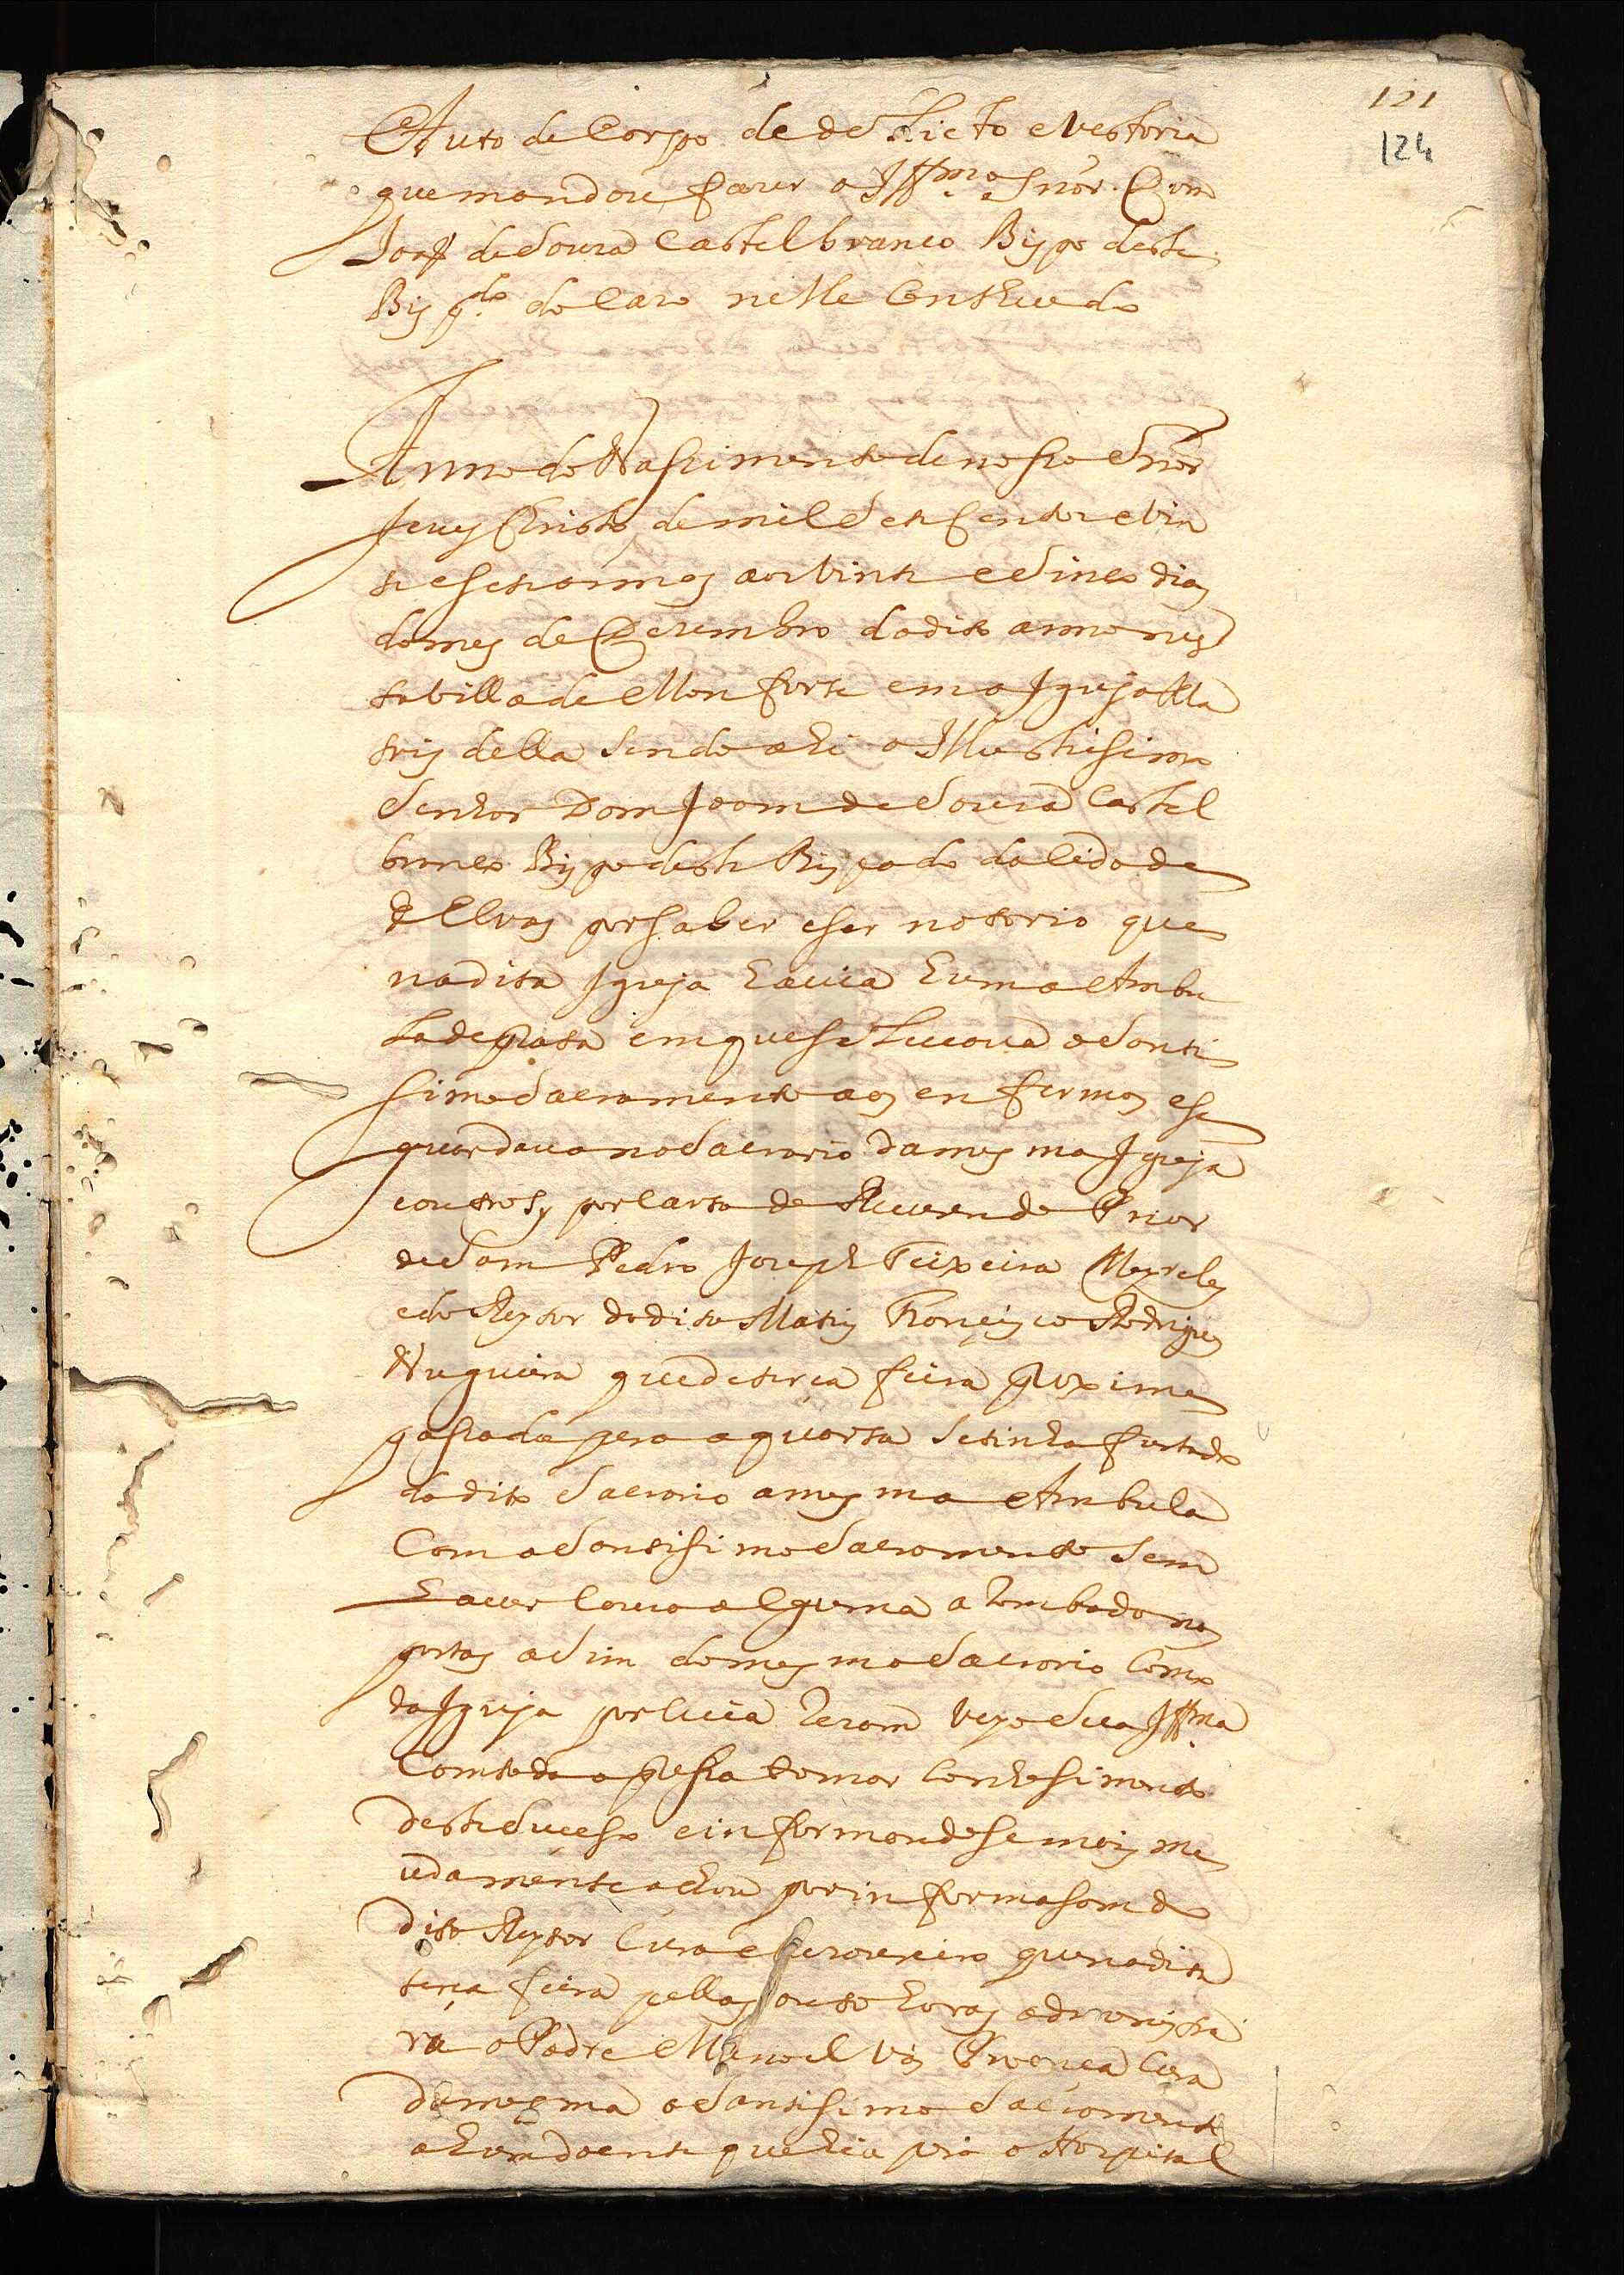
Auto de corpo de delicto e vestoria
que mandou fazer o Ill.mo Snor̄. Dom
Joaõ de Souza Castel branco Bispo deste
Bisp.do do cazo nelle contheudo
Anno do Nascimento de nosso Snōr
Jezus Christo de mil SeteCentos e vin
te e sete annos aos vinte e sinco dias
do mes de Dezembro do dito anno nes
ta villa de Monforte em a Jgreja Ma
triz della sendo ahi o Illustrisimo
Senhor Dom Joam de Souza castel
branco Bispo deste Bispado da cidade
d̄ Elvas por saber e ser notorio que
na dita Jgreja hauia huma Ambu
La de prata em que se Leuaua o Santi
simo Sacramento aos enfermos e se
guardaua no Sacrario da mesma Jgreja
e outrosy por carta de Reuerendo Prior
de Sam Pedro Jozeph Teixeira Meyreles
e do Reytor da dita Matriz Francisco Rodrigues
Nugueira que de terça feira proxime
passada pera a quarta se tinha furtado
do dito Sacrario a mesma Ambula
Com o Santisimo Sacramento sem
hauer couza alguma aRombada nas
portas, asim do mesmo Sacrario como
da Jgreja por cuia Rezam veyo sua Jll.ma
com toda a pressa tomar conhesimento
deste suceso e informandose mais me
udamente achou por informasam do
dito Reytor Cura e _ezoreiro que na dita
terça feira pellas outo horas administra
ra o Padre Manoel váz Proença Cura
da mesma o Santisimo Sacramento
a hum doente que hia pera o Hospital
121
